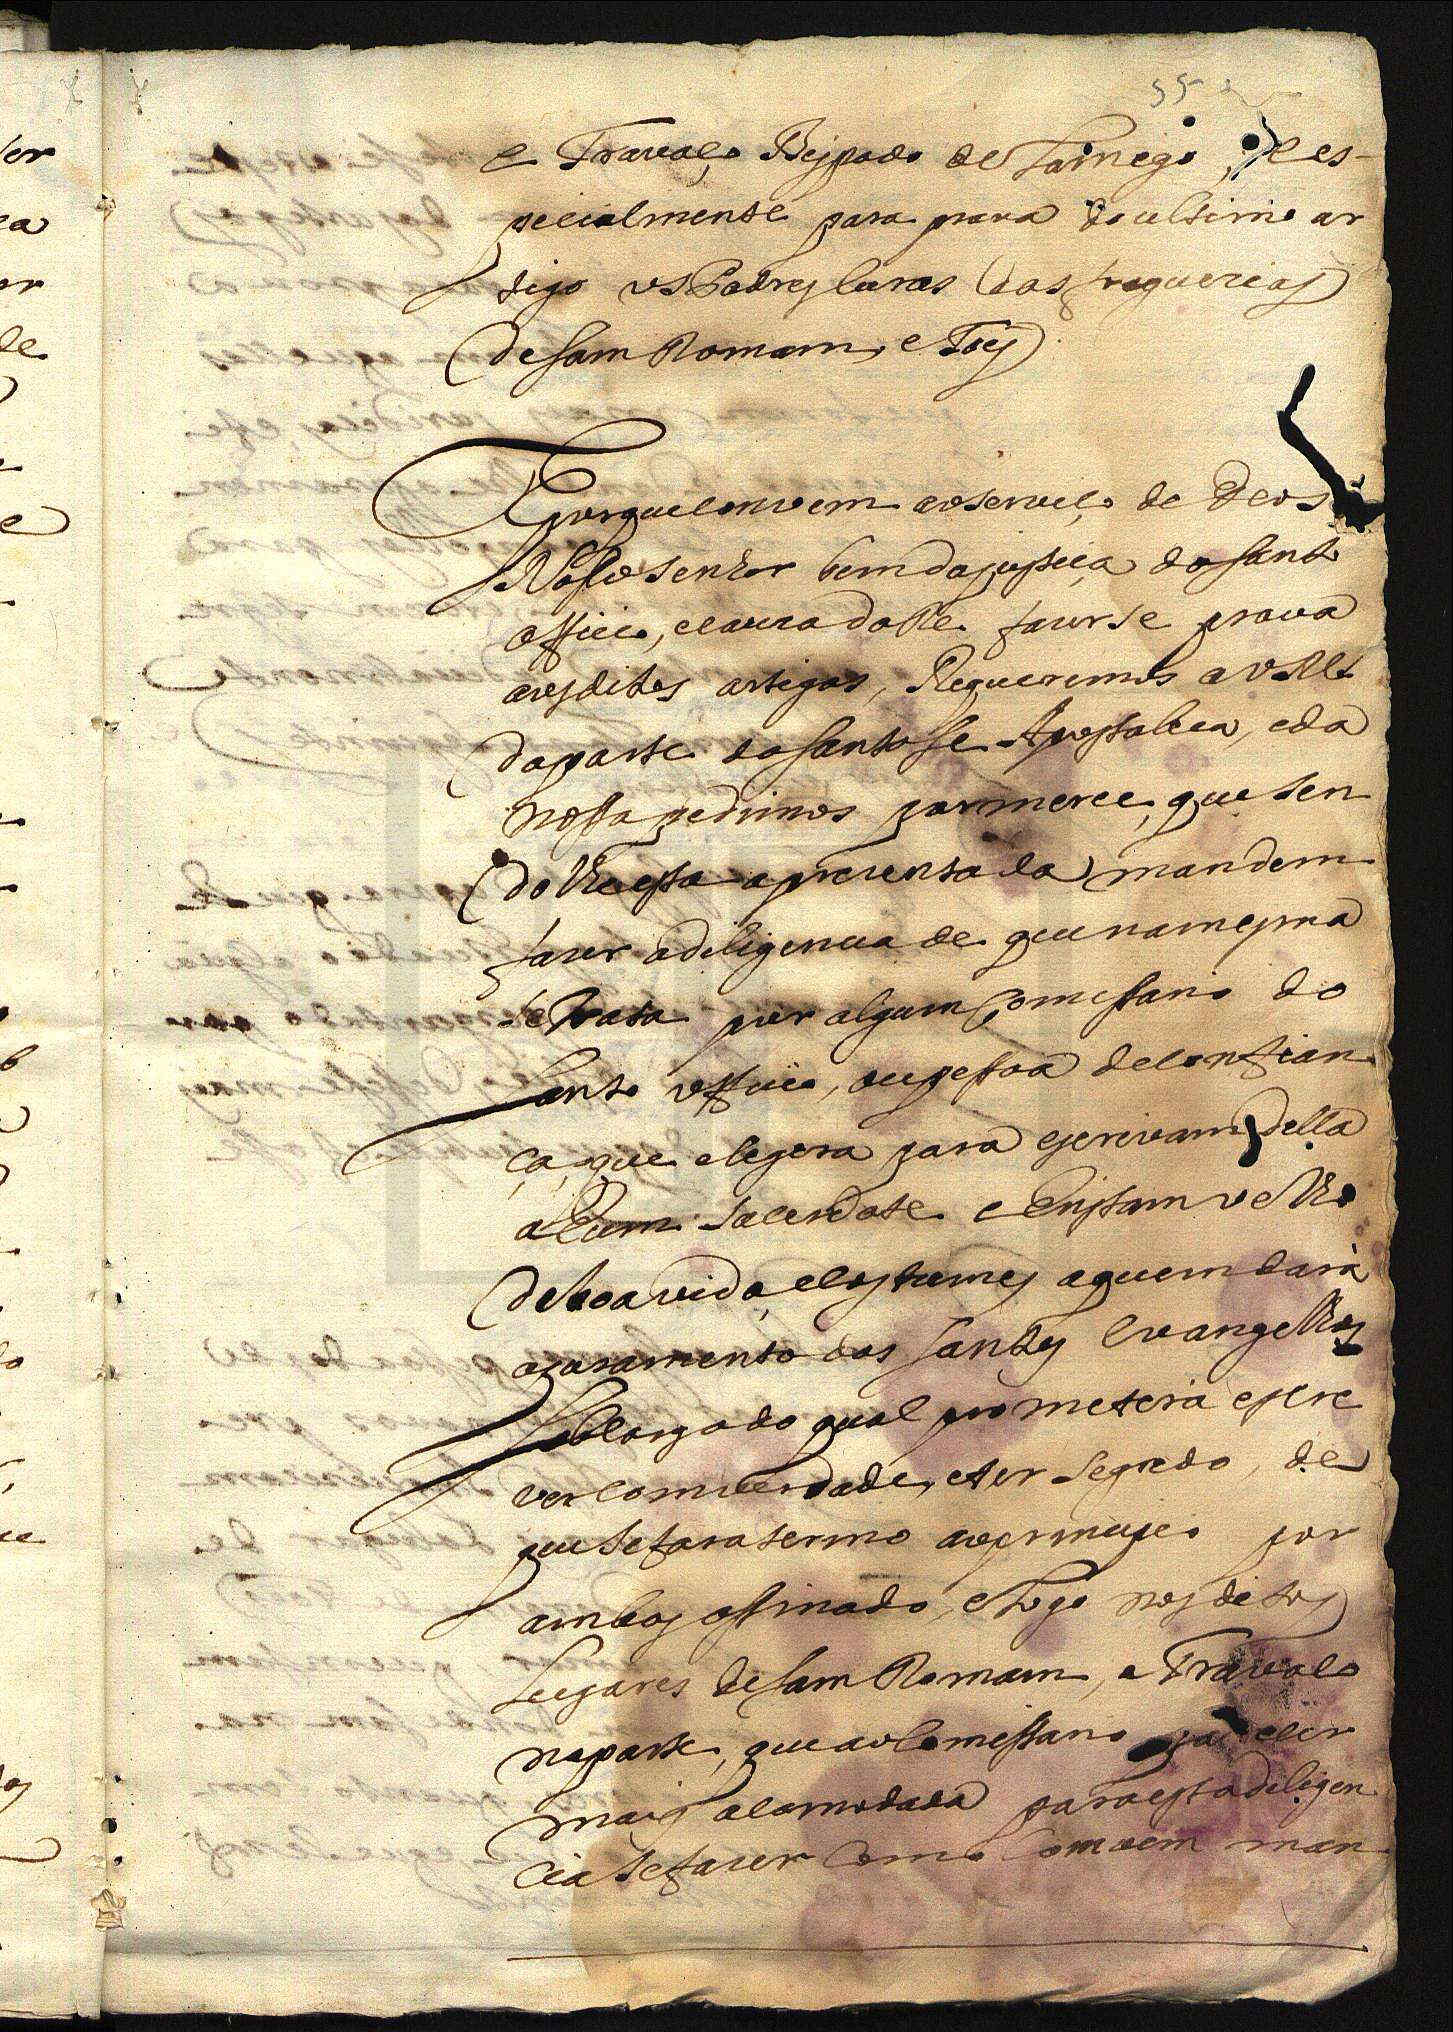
e Travaço Bispado de Lamego; e es
pecialmente para prova do ultimo ar
tigo os Padres Curas das freguezias
de sam Romam e Toẽs
E porque convem ao serviço de Deos
Nosso senhor bem da justiça do santo
officio, e cauza da Re fazerse prova
aos ditos artigos, Requeremos a v Ms
da parte da santa se Apostolica, e da
nossa pedimos por merce, que sen
do lhe esta aprezentada mandem
fazer a diligencia de que na mesma
se trata por algum Comissario do
Santo officio, ou pessoa de confian
ça, que elegera para escrivam della
a hum sacerdote christam velho
de boa vida, e costumes a quem darà
o juramento dos santos evangelhos
sob cargo do qual prometera escre
ver com verdade, e ter segredo, de
que se fara termo ao principio por
ambos assinado, e Logo nos ditos
Lugares de Sam Romam, e Travaco
na parte, que ao comissario _ parecer
mais acomodada para esta deligen
cia se fazer como comvem man
